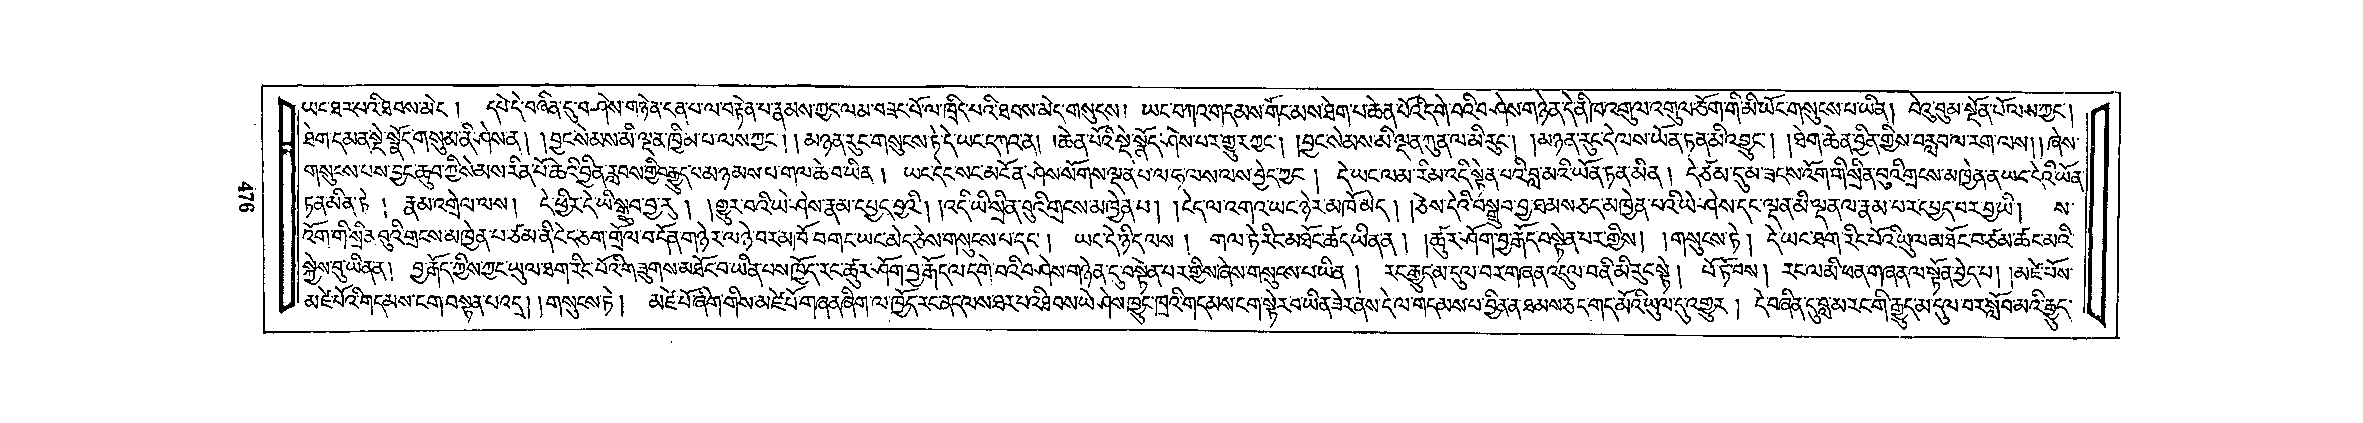ཡང་ཐར་པའི་ཐབས་མེད། དཔེ་དེ་བཞིན་དུ་བཤེས་གཉེན་ངན་པ་ལ་བརྟེན་པ་རྣམས་ཀྱང་ལམ་བཟང་པོ་ལ་ཁྲིད་པའི་ཐབས་མེད་གསུངས། ཡང་བཀའ་གདམས་གོང་མས་ཐེག་པ་ཆེན་པོའི་དགེ་བའི་བཤེས་གཉེན་དེ་ནི་ཁ་འགུལ་འགུལ་ཅོག་གི་མི་ཡོང་གསུངས་པ་ཡིན། བེའུ་བུམ་སྔོན་པོ་ལས་ཀྱང་།
ཐེག་དམན་སྡེ་སྣོད་གསུམ་ནི་ཤེས་ན། །བྱང་སེམས་མི་ལྡན་ཁྱིམ་པ་ལས་ཀྱང་། །མཉན་རུང་གསུངས་ཏེ་དེ་ཡང་དཀའ་ན། །ཆེན་པོའི་སྡེ་སྣོད་ཤེས་པར་གྱུར་ཀྱང་། །བྱང་སེམས་མི་ལྡན་ཀུན་ལ་མི་རུང་། །མཉན་རུང་དེ་ལས་ཡོན་ཏན་མི་འབྱུང་། །ཐེག་ཆེན་བྱིན་གྱིས་བརླབ་ལ་རག་ལས། །ཞེས་
གསུངས་པས་བྱང་ཆུབ་ཀྱི་སེམས་རིན་པོ་ཆེའི་བྱིན་རླབས་ཀྱི་བརྒྱུད་པ་མཉམས་པ་གལ་ཆེ་བ་ཡིན། ཡང་དེང་སང་མངོན་ཤེས་སོགས་ལྡན་པ་ལ་ཧ་ལས་ལས་བྱེད་ཀྱང་། དེ་ཡང་ལམ་རིམ་འདི་སྟེན་པའི་བླ་མའི་ཡོན་ཏན་མིན། དེ་ཙམ་དུ་མ་ཟད་ས་འོག་གི་སྲིན་བུའི་གྲངས་མཁྱེན་ན་ཡང་དེའི་ཡོན་
ཏན་མིན་ཏེ། རྣམ་འགྲེལ་ལས། དེ་ཕྱིར་དེ་ཡི་སྒྲུབ་བྱ་རུ། །གྱུར་བའི་ཡེ་ཤེས་རྣམ་དཔྱད་བྱའི། །འདི་ཡི་སྲིན་བུའི་གྲངས་མཁྱེན་པ། །ངེད་ལ་འགའ་ཡང་ཉེར་མཁོ་མེད། །ཅེས་དེའི་བསྒྲུབ་བྱ་ཐམས་ཅད་མཁྱེན་པའི་ཡེ་ཤེས་དང་ལྡན་མི་ལྡན་ལ་རྣམ་པར་དཔྱད་པར་བྱ་ཡི། ས་
འོག་གི་སྲིན་བུའི་གྲངས་མཁྱེན་པ་ཙམ་ནི་ངེད་ཅག་གྲོལ་བ་དོན་གཉེར་ལ་ཉེ་བར་མཁོ་བ་གང་ཡང་མེད་ཅེས་གསུངས་པ་དང་། ཡང་དེ་ཉིད་ལས། གལ་ཏེ་རིང་མཐོང་ཚད་ཡིན་ན། །ཚུར་ཤོག་བྱ་རྒོད་བསྟེན་པར་གྱིས། །གསུངས་ཏེ། དེ་ཡང་ཐག་རིང་པོའི་ཡུལ་མཐོང་བ་ཙམ་ཚང་མའི་
སྐྱེས་བུ་ཡིན་ན། བྱ་རྒོད་ཀྱིས་ཀྱང་ཡུལ་ཐག་རིང་པོའི་གཟུགས་མཐོང་བ་ཡིན་པས་ཁྱོད་རང་ཚུར་ཤོག་བྱ་རྒོད་ལ་དགེ་བའི་བཤེས་གཉེན་དུ་བསྟེན་པར་གྱིས་ཞེས་གསུངས་པ་ཡིན། རང་རྒྱུད་མ་དུལ་བར་གཞན་འདུལ་བ་ནི་མི་རུང་སྟེ། པོ་ཏོ་བས། རང་ལ་མི་ཕན་གཞན་ལ་སྟོན་བྱེད་པ། །མཛེ་པོས་
མཛེ་པོའི་གདམས་ངག་བསྟན་པ་འདྲ། གསུངས་ཏེ། མཛེ་པོ་ཞིག་གིས་མཛེ་པོ་གཞན་ཞིག་ལ་ཁྱོད་རང་ནད་ལས་ཐར་པའི་ཐབས་ཡེ་ཤེས་ཁྱུང་ཁྲའི་གདམས་ངག་སྟེར་བ་ཡིན་ཟེར་ནས་དེ་ལ་གདམས་པ་བྱིན་ན་ཐམས་ཅད་གད་མོའི་ཡུལ་དུ་འགྱུར། དེ་བཞིན་དུ་བླ་མ་རང་གི་རྒྱུད་མ་དུལ་བར་སློབ་མའི་རྒྱུད་